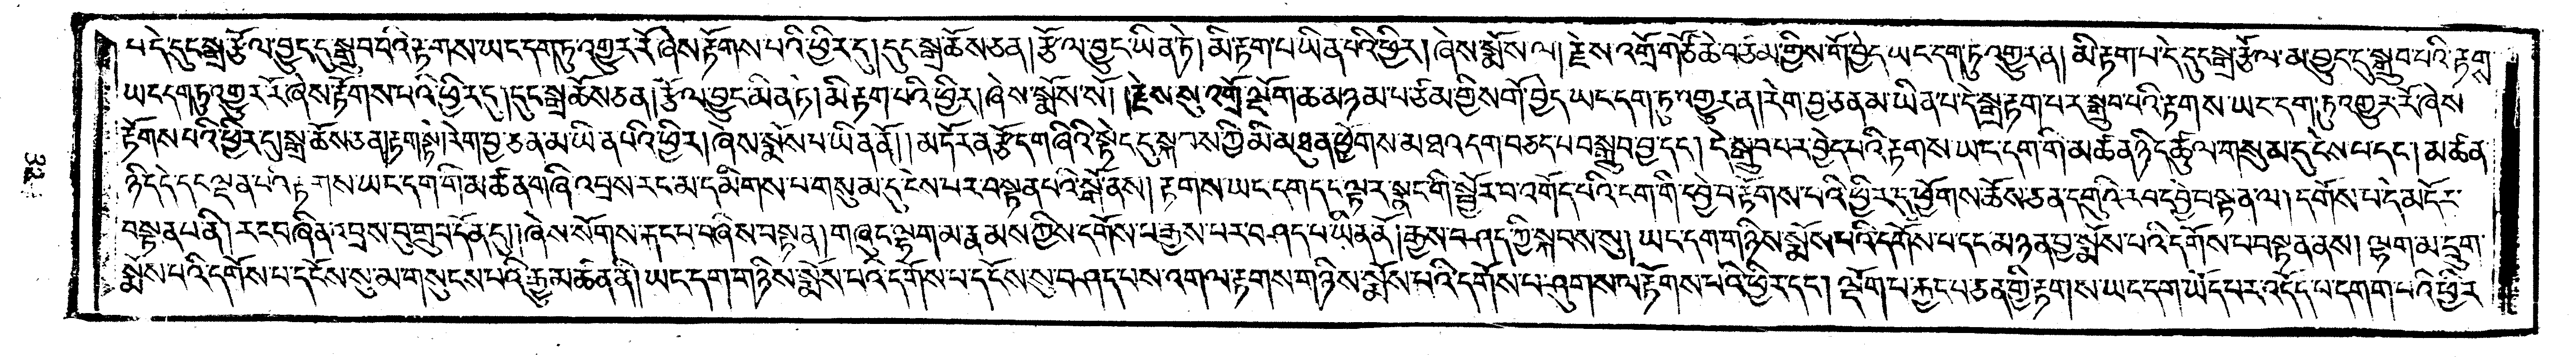པ་དེ་དུང་སྒྲ་རྩོལ་བྱུང་དུ་སྒྲུབ་པའི་རྟགས་ཡང་དག་ཏུ་འགྱུར་རོ་ཞེས་རྟོགས་པའི་ཕྱིར་དུ། དུང་སྒྲ་ཆོས་ཅན། རྩོལ་བྱུང་ཡིན་ཏེ། མི་རྟག་པ་ཡིན་པའི་ཕྱིར་ཞེས་སྨོས་ལ། རྗེས་འགྲོ་གཙོ་ཆེ་བ་ཙམ་གྱིས་གོ་བྱེད་ཡང་དག་ཏུ་འགྱུར་ན། མི་རྟག་པ་དེ་དུང་སྒྲ་རྩོལ་མ་བྱུང་དུ་སྒྲུབ་པའི་རྟགས་
ཡང་དག་ཏུ་འགྱུར་རོ་ཞེས་རྟོགས་པའི་ཕྱིར་དུ། དུང་སྒྲ་ཆོས་ཅན། རྩོལ་བྱུང་མིན་ཏེ། མི་རྟག་པའི་ཕྱིར། ཞེས་སྨོས་སོ། །རྗེས་སུ་འགྲོ་ལྡོག་ཆ་མཉམ་པ་ཙམ་གྱིས་གོ་བྱེད་ཡང་དག་ཏུ་འགྱུར་ན། རེག་བྱ་ཅན་མ་ཡིན་པ་དེ་སྒྲ་རྟག་པར་སྒྲུབ་པའི་རྟགས་ཡང་དག་ཏུ་འགྱུར་རོ་ཞེས་
རྟོགས་པའི་ཕྱིར་དུ། སྒྲ་ཆོས་ཅན། རྟག་སྟེ། རེག་བྱ་ཅན་མ་ཡིན་པའི་ཕྱིར། ཞེས་སྨོས་པ་ཡིན་ནོ། །མདོར་ན་རྩོད་གཞིའི་སྟེང་དུ་སྐབས་ཀྱི་མི་མཐུན་ཕྱོགས་མཐའ་དག་བཅད་པ་བསྒྲུབ་བྱ་དང་། དེ་སྒྲུབ་པར་བྱེད་པའི་རྟགས་ཡང་དག་གི་མཚན་ཉིད་ཚུལ་གསུམ་དུ་ངེས་པ་དང་། མཚན་
ཉིད་དེ་དང་ལྡན་པའི་རྟགས་ཡང་དག་གི་མཚན་གཞི་འབྲས་རང་མ་དམིགས་པ་གསུམ་དུ་ངེས་པར་བསྟན་པའི་སྒོ་ནས། རྟགས་ཡང་དག་དང་ལྟར་སྣང་གི་སྦྱོར་བ་འགོད་པའི་ངག་གི་དབྱེ་བ་རྟོགས་པའི་ཕྱིར་དུ་ཕྱོགས་ཆོས་ཅན་དགུའི་རབ་དབྱེ་བསྟན་ལ། དགོས་པ་དེ་མདོར་
བསྟན་པ་ནི། རང་བཞིན་འབྲས་བུ་གྲུབ་དོན་དུ། །ཞེས་སོགས་རྐང་པ་བཞེས་བསྟན། གཞུང་ལྷག་མ་རྣམས་ཀྱིས་དགོས་པ་རྒྱས་པར་བཤད་པ་ཡིན་ནོ། །རྒྱས་བཤད་ཀྱི་སྐབས་སུ། ཡང་དག་གཉིས་སྨོས་པའི་དགོས་པ་དང་མཉན་བྱ་སྨོས་པའི་དགོས་པ་བསྟན་ནས། ལྷག་མ་དྲུག་
སྨོས་པའི་དགོས་པ་དངོས་སུ་མ་གསུངས་པའི་རྒྱུ་མཚན་ནི། ཡང་དག་གཉིས་སྨོས་པའི་དགོས་པ་དངོས་སུ་བཤད་པས་འགལ་རྟགས་གཉིས་སྨོས་པའི་དགོས་པ་ཤུགས་ལ་རྟོགས་པའི་ཕྱིར་དང་། ལྡོག་པ་རྐྱང་པ་ཅན་གྱི་རྟགས་ཡང་དག་ཡོད་པར་འདོད་པ་དགག་པའི་ཕྱིར་